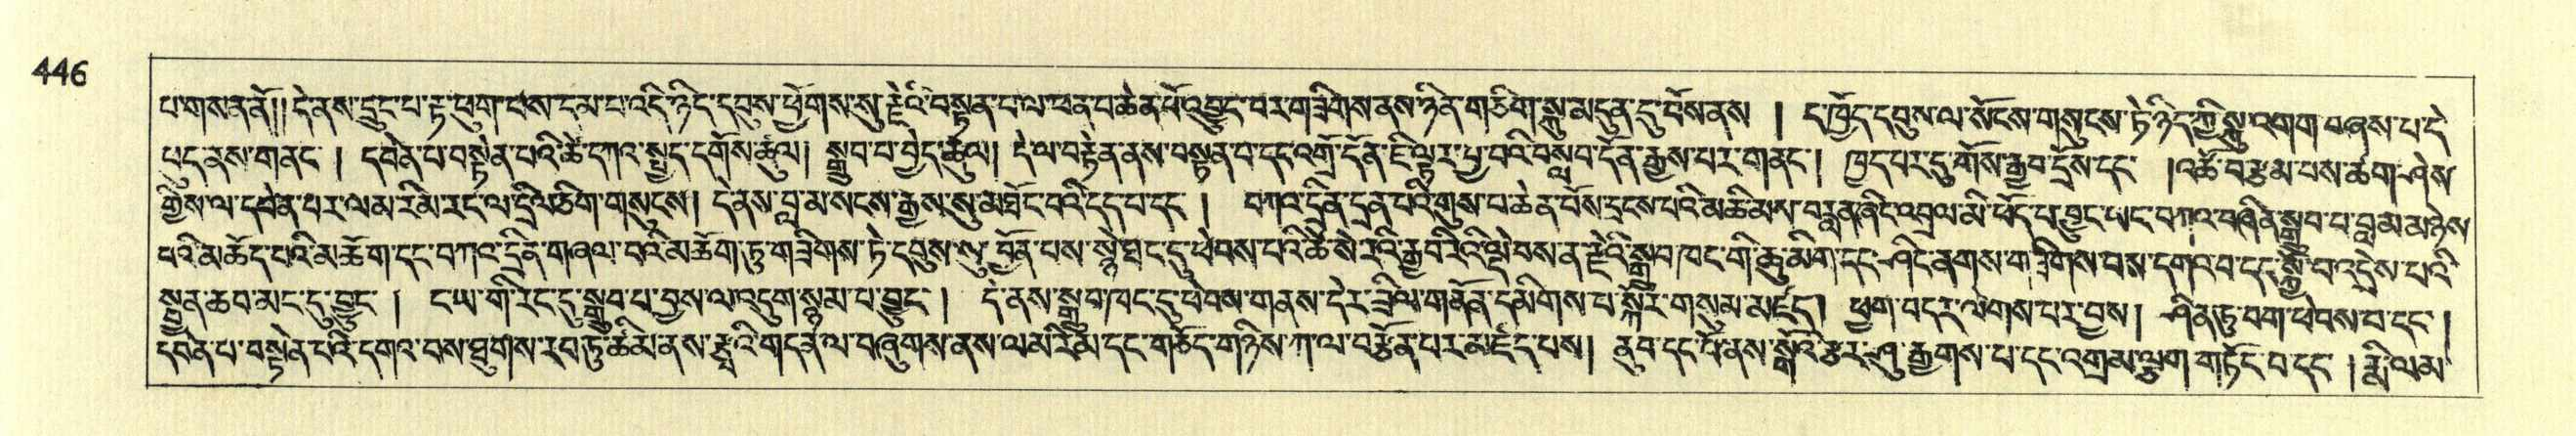པ་གསན་ནོ། །དེ་ནས་དྲུང་པ་རྟ་ཕུག་པས་དམ་པ་འདི་ཉིད་དབུས་ཕྱོགས་སུ་རྗེའི་བསྟན་པ་ལ་ཕན་པ་ཆེན་པོ་འབྱུང་བར་གཟིགས་ནས་ཉིན་གཅིག་སྐུ་མདུན་དུ་བོས་ནས། །ང་ཁྱོད་དབུས་ལ་སོངས་གསུངས་ཏེ་ཉིད་ཀྱི་སྐུ་འགག་བཞས་པ་དེ་
ཕུད་ནས་གནང་། དབེན་པ་བསྟེན་པའི་ཚེ་དཀའ་སྤྱད་དགོས་ཚུལ། སྒྲུབ་པ་བྱེད་ཚུལ། དེ་ལ་བརྟེན་ནས་བསྟན་པ་དང་འགྲོ་དོན་ཇི་ལྟར་བྱ་བའི་བསླབ་དོན་རྒྱས་པར་གནང་། ཁྱད་པར་དུ་གོས་རྒྱབ་དྲོས་དང་།འཚོ་བརྩམ་པས་ཚག་ཤེས་
གྱིས་ལ་དབེན་པར་ལམ་རིམ་རང་ལ་དྲིལ་ཅིག་གསུངས། དེ་ནས་བླ་མ་སངས་རྒྱས་སུ་མཐོང་བའི་དད་པ་དང་། བཀའ་དྲིན་དྲན་པའི་གུས་པ་ཆེན་པོས་དྲངས་པའི་མཆི་མས་བརླན་ཞིང་འབྲལ་མི་ཕོད་པ་བྱུང་ཡང་བཀའ་བཞིན་སྒྲུབ་པ་བླ་མ་མཉེས་
པའི་མཆོད་པའི་མཆོག་དང་བཀའ་དྲིན་གཞལ་བའི་མཆོག་ཏུ་གཟིགས་ཏེ་དབུས་སུ་བྱོན་པས་སྙེ་ཐང་དུ་ཕེབས་པའི་ཚེ་སེ་རའི་རྒྱབ་རིའི་ལྡེབས་ན་རྗེའི་སྒྲུབ་ཁང་གི་ཆུ་མིག་དང་ཤིང་ནགས་གཟིགས་པས་དགའ་བ་དང་སྐྱོ་བ་འདྲེས་པའི་
སྤྱན་ཆབ་མང་དུ་བྱུང་། ང་ཡ་གི་རང་དུ་སྒྲུབ་པ་བྱས་ལ་འདུག་སྙམ་པ་བྱུང་། དེ་ནས་སྒྲུབ་ཁང་དུ་ཕེབས་གནས་དེར་ཟིལ་གནོན་དམིགས་པ་སྐོར་གསུམ་མཛད། ཕྱག་བདར་ལེགས་པར་བྱས། ཤིན་ཏུ་བག་ཕེབས་པ་དང་།
དབེན་པ་བསྟེན་པའི་དགའ་བས་ཐུགས་རབ་ཏུ་ཚིམ་ནས་རྩྭའི་གདན་ལ་བཞུགས་ནས་ལམ་རིམ་དང་གཅོད་གཉིས་ཀ་ལ་བརྩོན་པར་མཛད་པས། ནུབ་དང་པོ་ནས་སྒོའི་རྩར་ཤུ་རྒྱགས་པ་དང་འགྲམ་ལྕག་གཏོང་བ་དང་།རྨི་ལམ་